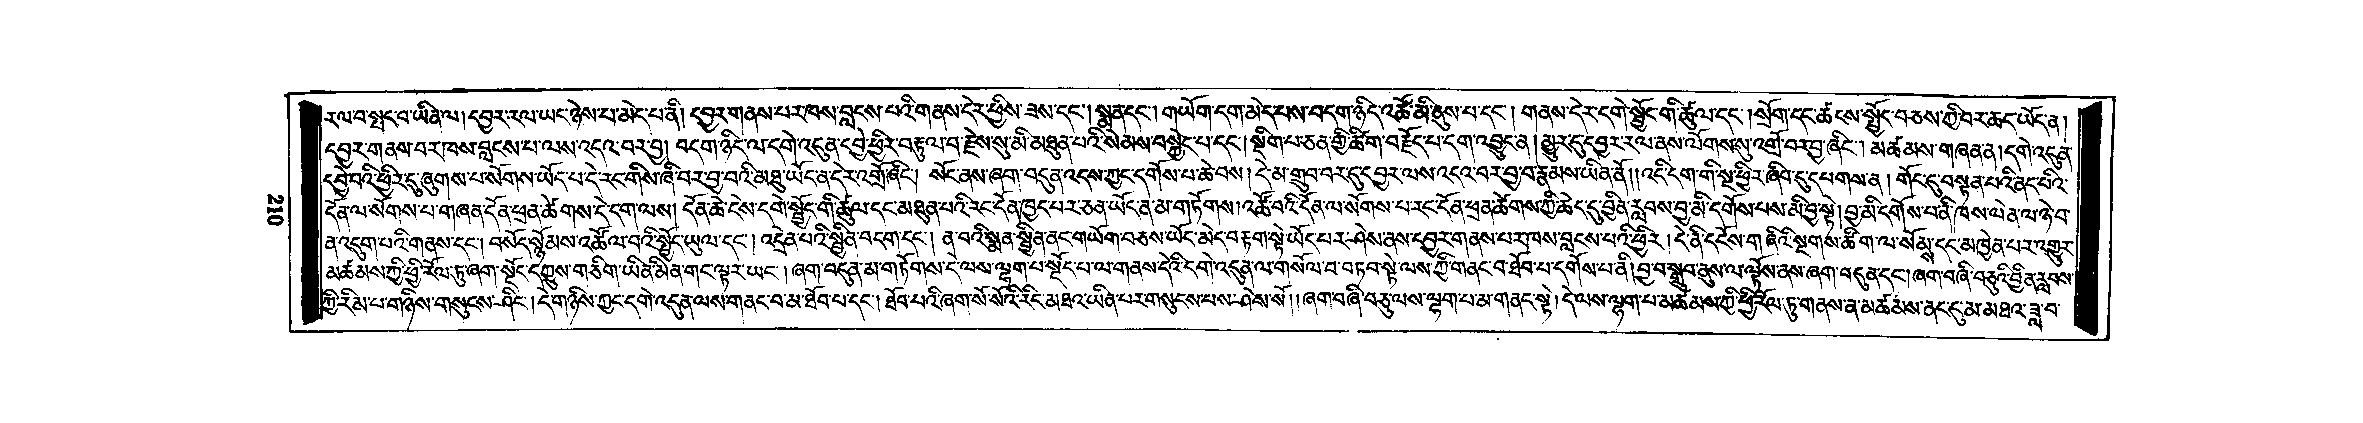རལ་བ་སྤང་བ་ཡིན་ལ། དབྱར་རལ་ཡང་ཉེས་པ་མེད་པ་ནི། དབྱར་གནས་པར་ཁས་བླངས་པའི་གནས་དེར་ཕྱིས་ཟས་དང་། སྨན་དང་། གཡོག་དག་མེད་པས་བདག་ཉིད་འཚོ་མི་ནུས་པ་དང་། གནས་དེར་དགེ་སྦྱོང་གི་ཚུལ་དང་། སྲོག་དང་ཚངས་སྤྱོད་བཅས་ཀྱི་བར་ཆད་ཡོད་ན།
དབྱར་གནས་བར་ཁས་བླངས་པ་ལས་འདའ་བར་བྱ། བདག་ཉིད་ལ་དགེ་འདུན་དབྱེ་ཕྱིར་བརྟུལ་བ་རྗེས་སུ་མི་མཐུན་པའི་སེམས་བསྐྱེད་པ་དང་། སྡིག་པ་ཅན་གྱི་ཚིག་བརྗོད་པ་དག་འབྱུང་ན། མྱུར་དུ་དབྱར་རལ་ནས་ལོགས་སུ་འགྲོ་བར་བྱ་ཞིང་། མཚམས་གཞན་ན། དགེ་འདུན་
དབྱེ་བའི་ཕྱིར་དུ་ཞུགས་པ་སོགས་ཡོད་པ་དེ་རང་གིས་ཞི་བར་བྱ་བའི་མཐུ་ཡོད་ན་དེར་འགྲོ་ཞིང་། སོང་ནས་ཞག་བདུན་འདས་ཀྱང་དགོས་པ་ཆེ་བས། དེ་མ་གྲུབ་བར་དུ་དབྱར་ལས་འདའ་བར་བྱ་བ་རྣམས་ཡིན་ནོ། །འདི་དག་གི་སྔ་ཕྱིར་ཞིབ་དུ་དཔགས་ན། གོང་དུ་བསྟན་པའི་ནང་པའི་
དོན་ལ་སོགས་པ་གཞན་དོན་ཕྲན་ཚེགས་དེ་དག་ལས། དོན་ཆེ་ངེས་དགེ་སྦྱོང་གི་ཚུལ་དང་མཐུན་པའི་རང་དོན་ཁྱད་པར་ཅན་ཡོད་ན་མ་གཏོགས། འཚོ་བའི་དོན་ལ་སོགས་པ་རང་དོན་ཕྲན་ཚེགས་ཀྱི་ཆེད་དུ་བྱིན་རླབས་བྱ་མི་དགོས་པས་མི་བྱ་སྟེ། བྱ་མི་དགོས་པ་ནི་ཁས་ལེན་ལ་ཉེ་བ་
ན་འདུག་པའི་གནས་དང་། བསོད་སྙོམས་འཚོལ་བའི་སྤྱོད་ཡུལ་དང་། འདྲེན་པའི་སྦྱིན་བདག་དང་། ན་བའི་སྨན་སྦྱིན་ནང་གཡོག་བཅས་ཡོད་མེད་བརྟག་སྟེ་ཡོད་པར་ཤེས་ནས་དབྱར་གནས་པར་ཁས་བླངས་པའི་ཕྱིར། དེ་ནི་དངོས་གཞིའི་སྔགས་ཚིག་ལ་སོམས་དང་མཁྱེན་པར་འགྱུར་
མཚམས་ཀྱི་ཕྱི་རོལ་ཏུ་ཞག་སྡོད་དཀྱུས་གཅིག་ཡིན་མིན་གང་ལྟར་ཡང་། ཞག་བདུན་མ་གཏོགས་དེ་ལས་ལྷག་པ་སྡོད་པ་ལ་གནས་དེའི་དགེ་འདུན་ལ་གསོལ་བ་བཏབ་སྟེ་ལས་ཀྱི་གནང་བ་ཐོབ་པ་དགོས་པ་ནི། བྱ་བ་སྒྲུབ་ནུས་ལ་ལྟོས་ནས་ཞག་བདུན་དང་། ཞག་བཞི་བཅུའི་བྱིན་རླབས་
ཀྱི་རིམ་པ་གཉིས་གསུངས་ཤིང་། དེ་གཉིས་ཀྱང་དགེ་འདུན་ལས་གནང་བ་མ་ཐོབ་པ་དང་། ཐོབ་པའི་ཞག་སོ་སོའི་རིང་མཐའ་ཡིན་པར་གསུངས་པས་ཤེས་སོ། །ཞག་བཞི་བཅུ་ལས་ལྷག་པ་མ་གནང་སྟེ། དེ་ལས་ལྷག་པ་མཚམས་ཀྱི་ཕྱི་རོལ་ཏུ་གནས་ན་མཚམས་ནང་དུ་མ་མཐའ་ཟླ་བ་